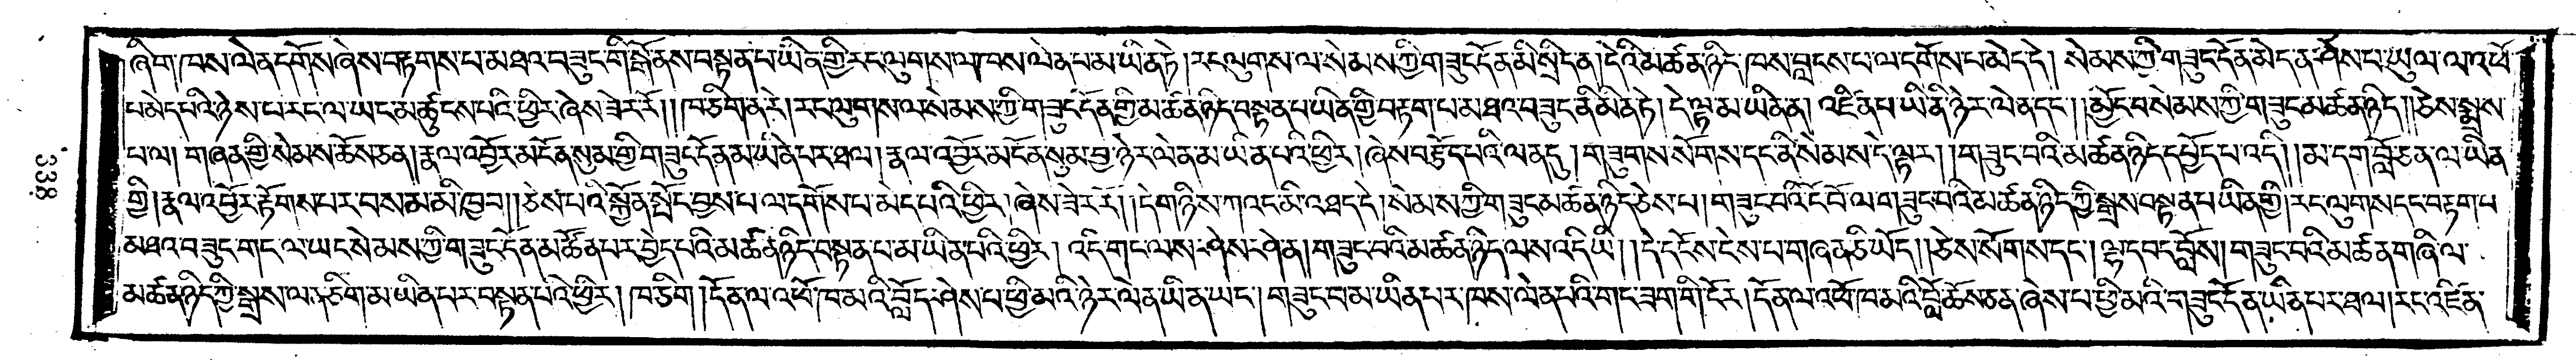ཞིག་ཁས་ལེན་དགོས་ཞེས་བརྟགས་པ་མཐའ་བཟུང་གི་སྒོ་ནས་བསྟན་པ་ཡིན་གྱི་རང་ལུགས་ལ་ཁས་ལེན་པ་མ་ཡིན་ཏེ། རང་ལུགས་ལ་སེམས་ཀྱི་གཟུང་དོན་མི་སྲིད་ན། དེའི་མཚན་ཉིད་ཁས་བླངས་པ་ལ་དགོས་པ་མེད་དེ། སེམས་ཀྱི་གཟུང་དོན་མེད་ན་ཤེས་པ་ཡུལ་ལ་འཕོ་
བ་མེད་པའི་ཉེས་པ་རང་ལ་ཡང་མཚུངས་པའི་ཕྱིར་ཞེས་ཟེར་རོ། །ཁ་ཅིག་ན་རེ། རང་ལུགས་ལ་སེམས་ཀྱི་གཟུང་དོན་གྱི་མཚན་ཉིད་བསྟན་པ་ཡིན་གྱི་བརྟག་པ་མཐའ་བཟུང་ནི་མིན་ཏེ། དེ་ལྟ་མ་ཡིན་ན། འཛིན་པ་ཡི་ནི་ཉེར་ལེན་དང་། །མྱོང་བ་སེམས་ཀྱི་གཟུང་མཚན་ཉིད། །ཅེས་སྨྲས་
པ་ལ། གཞན་གྱི་སེམས་ཆོས་ཅན། རྣལ་འབྱོར་མངོན་སུམ་གྱི་གཟུང་དོན་མ་མིན་པར་ཐལ། རྣལ་འབྱོར་མངོན་སུམ་གྱི་ཉེར་ལེན་མ་ཡིན་པའི་ཕྱིར། ཞེས་བརྩད་པའི་ལན་དུ། གཟུགས་སོགས་དང་ནི་སེམས་དེ་ལྟར། །གཟུང་བའི་མཚན་ཉིད་དཔྱོད་པ་འདི། །མ་དག་བློ་ཅན་ལ་ཡིན་
གྱི། །རྣལ་འབྱོར་རྟོགས་པ་བསམ་མི་ཁྱབ། །ཅེས་པའི་སྐྱོན་སྤོང་བྱས་པ་ལ་དགོས་པ་མེད་པའི་ཕྱིར། ཞེས་ཟེར་རོ། །དེ་གཉིས་ཀའང་མི་འཐད་དེ། སེམས་ཀྱི་གཟུང་མཚན་ཉིད་ཅེས་པ། གཟུང་བའི་ངོ་བོ་ལ་གཟུང་བའི་མཚན་ཉིད་ཀྱི་སྒྲས་བསྟན་པ་ཡིན་གྱི། རང་ལུགས་དང་བརྟག་པ་
མཐའ་བཟུང་གང་ལ་ཡང་སེམས་ཀྱི་གཟུང་དོན་མཚོན་པར་བྱེད་པའི་མཚན་ཉིད་བསྟན་པ་མ་ཡིན་པའི་ཕྱིར། འདི་གང་ལས་ཤེས་ཤེ་ན། གཟུང་བའི་མཚན་ཉིད་ལས་འདི་ཡི། །དེ་དངོས་ངེས་པ་གཞན་ཅི་ཡོད། །ཅེས་སོགས་དང་། ལྷ་དབང་བློས། གཟུང་བའི་མཚན་གཞི་ལ་
མཚན་ཉིད་ཀྱི་སྒྲས་ལན་ཅིག་མ་ཡིན་པར་བསྟན་པའི་ཕྱིར། ཁ་ཅིག །དོན་ལ་འཕོ་ཁ་མའི་བློ་དེ་ཤེས་པ་ཕྱི་མའི་ཉེར་ལེན་ཡིན་ཡང་། གཟུང་བ་མ་ཡིན་པར་ཁས་ལེན་པའི་གང་ཟག་གི་ངོར། དོན་ལ་འཕོ་ཁ་མའི་བློ་ཆོས་ཅན། ཤེས་པ་ཕྱི་མའི་གཟུང་དོན་ཡིན་པར་ཐལ། རང་འཛིན་